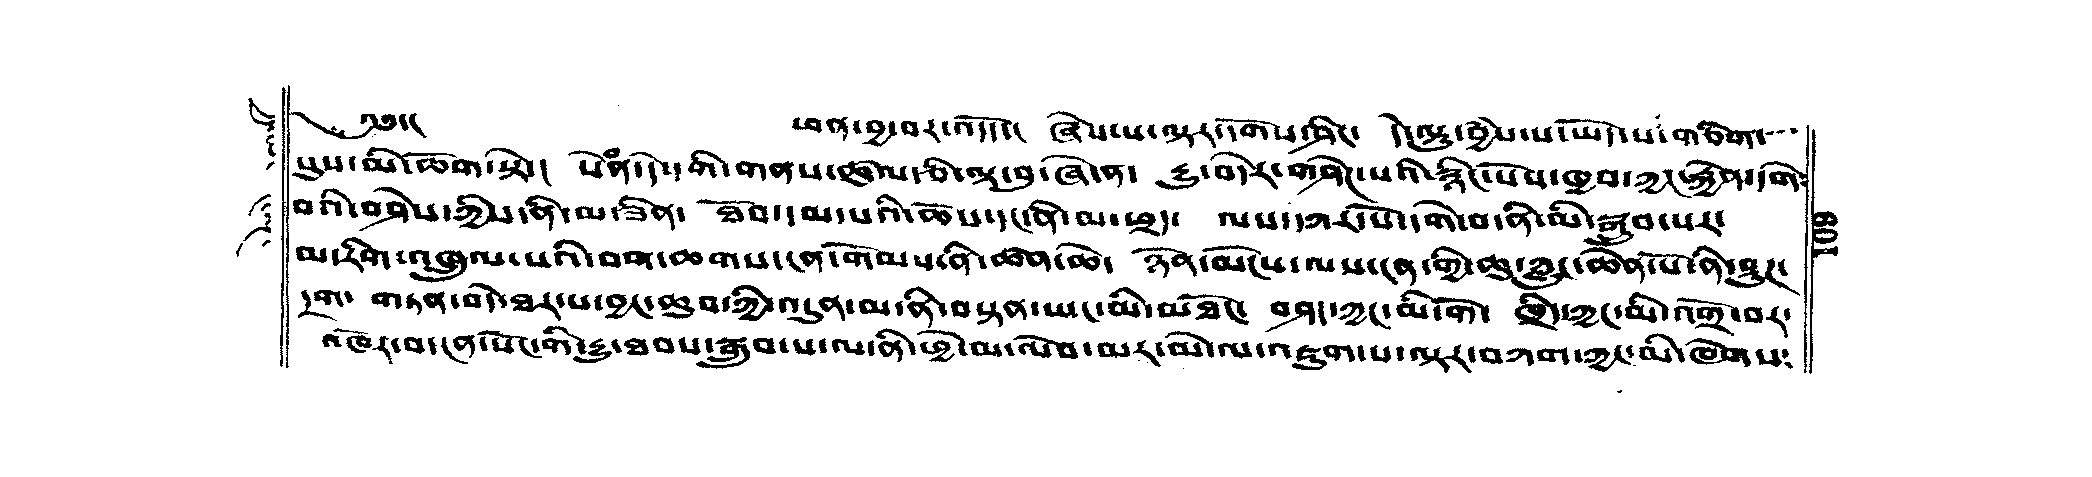ཕན་བྱ་བར་འདོད། ཞེས་པ་ལྟར་དགོས་ཤིང་། དེ་ལྟ་བུ་བྱམས་པ་ཡོད་པ་གཅིག་
པུས་མི་ཆོག་སྟེ། སེམས་ཅན་དེ་དག་གི་གནས་ཚུལ་ཅི་ལྟ་བུ་ཞེ་ན། རྒྱུ་བདེ་གཤེགས་པའི་སྙིང་པོས་ཁྱབ་ཀྱང་རྐྱེན་དགེ་
བའི་བཤེས་ཀྱིས་ནི་མ་ཟིན། ཐོབ་དམ་པའི་ཆོས་དང་ནི་མ་ཕྲད།ལས་དཀར་པོ་དགེ་བ་ནི་མི་སྒྲུབ་པར། 
མི་རིག་འཁྲུལ་པའི་བག་ཆགས་ངན་གོམས་ནི་ཚན་ཆེ། ཉོན་མོངས་ལས་ངན་གྱི་ཆུ་ཀླུང་ཆེན་པོ་ནི་ཤུགས་
དྲག་གཏན་བདེ་ཐར་པ་བྱང་ཆུབ་ཀྱི་འདུན་མ་ནི་བསྟན་ཡང་མི་མཐོང་། བཤད་ཀྱང་མི་གོ ཁྲིད་ཀྱང་མི་འགྲོ་བར་
འཁོར་བ་ངན་སོང་གི་རྒྱུ་ཐབས་སྒྲུབ་པ་ལ་ནི་ཕྱེ་མ་ལེབ་མར་མེ་ལ་འཇུག་པ་ལྟར་བཀག་ཀྱང་མི་ཁོགས་